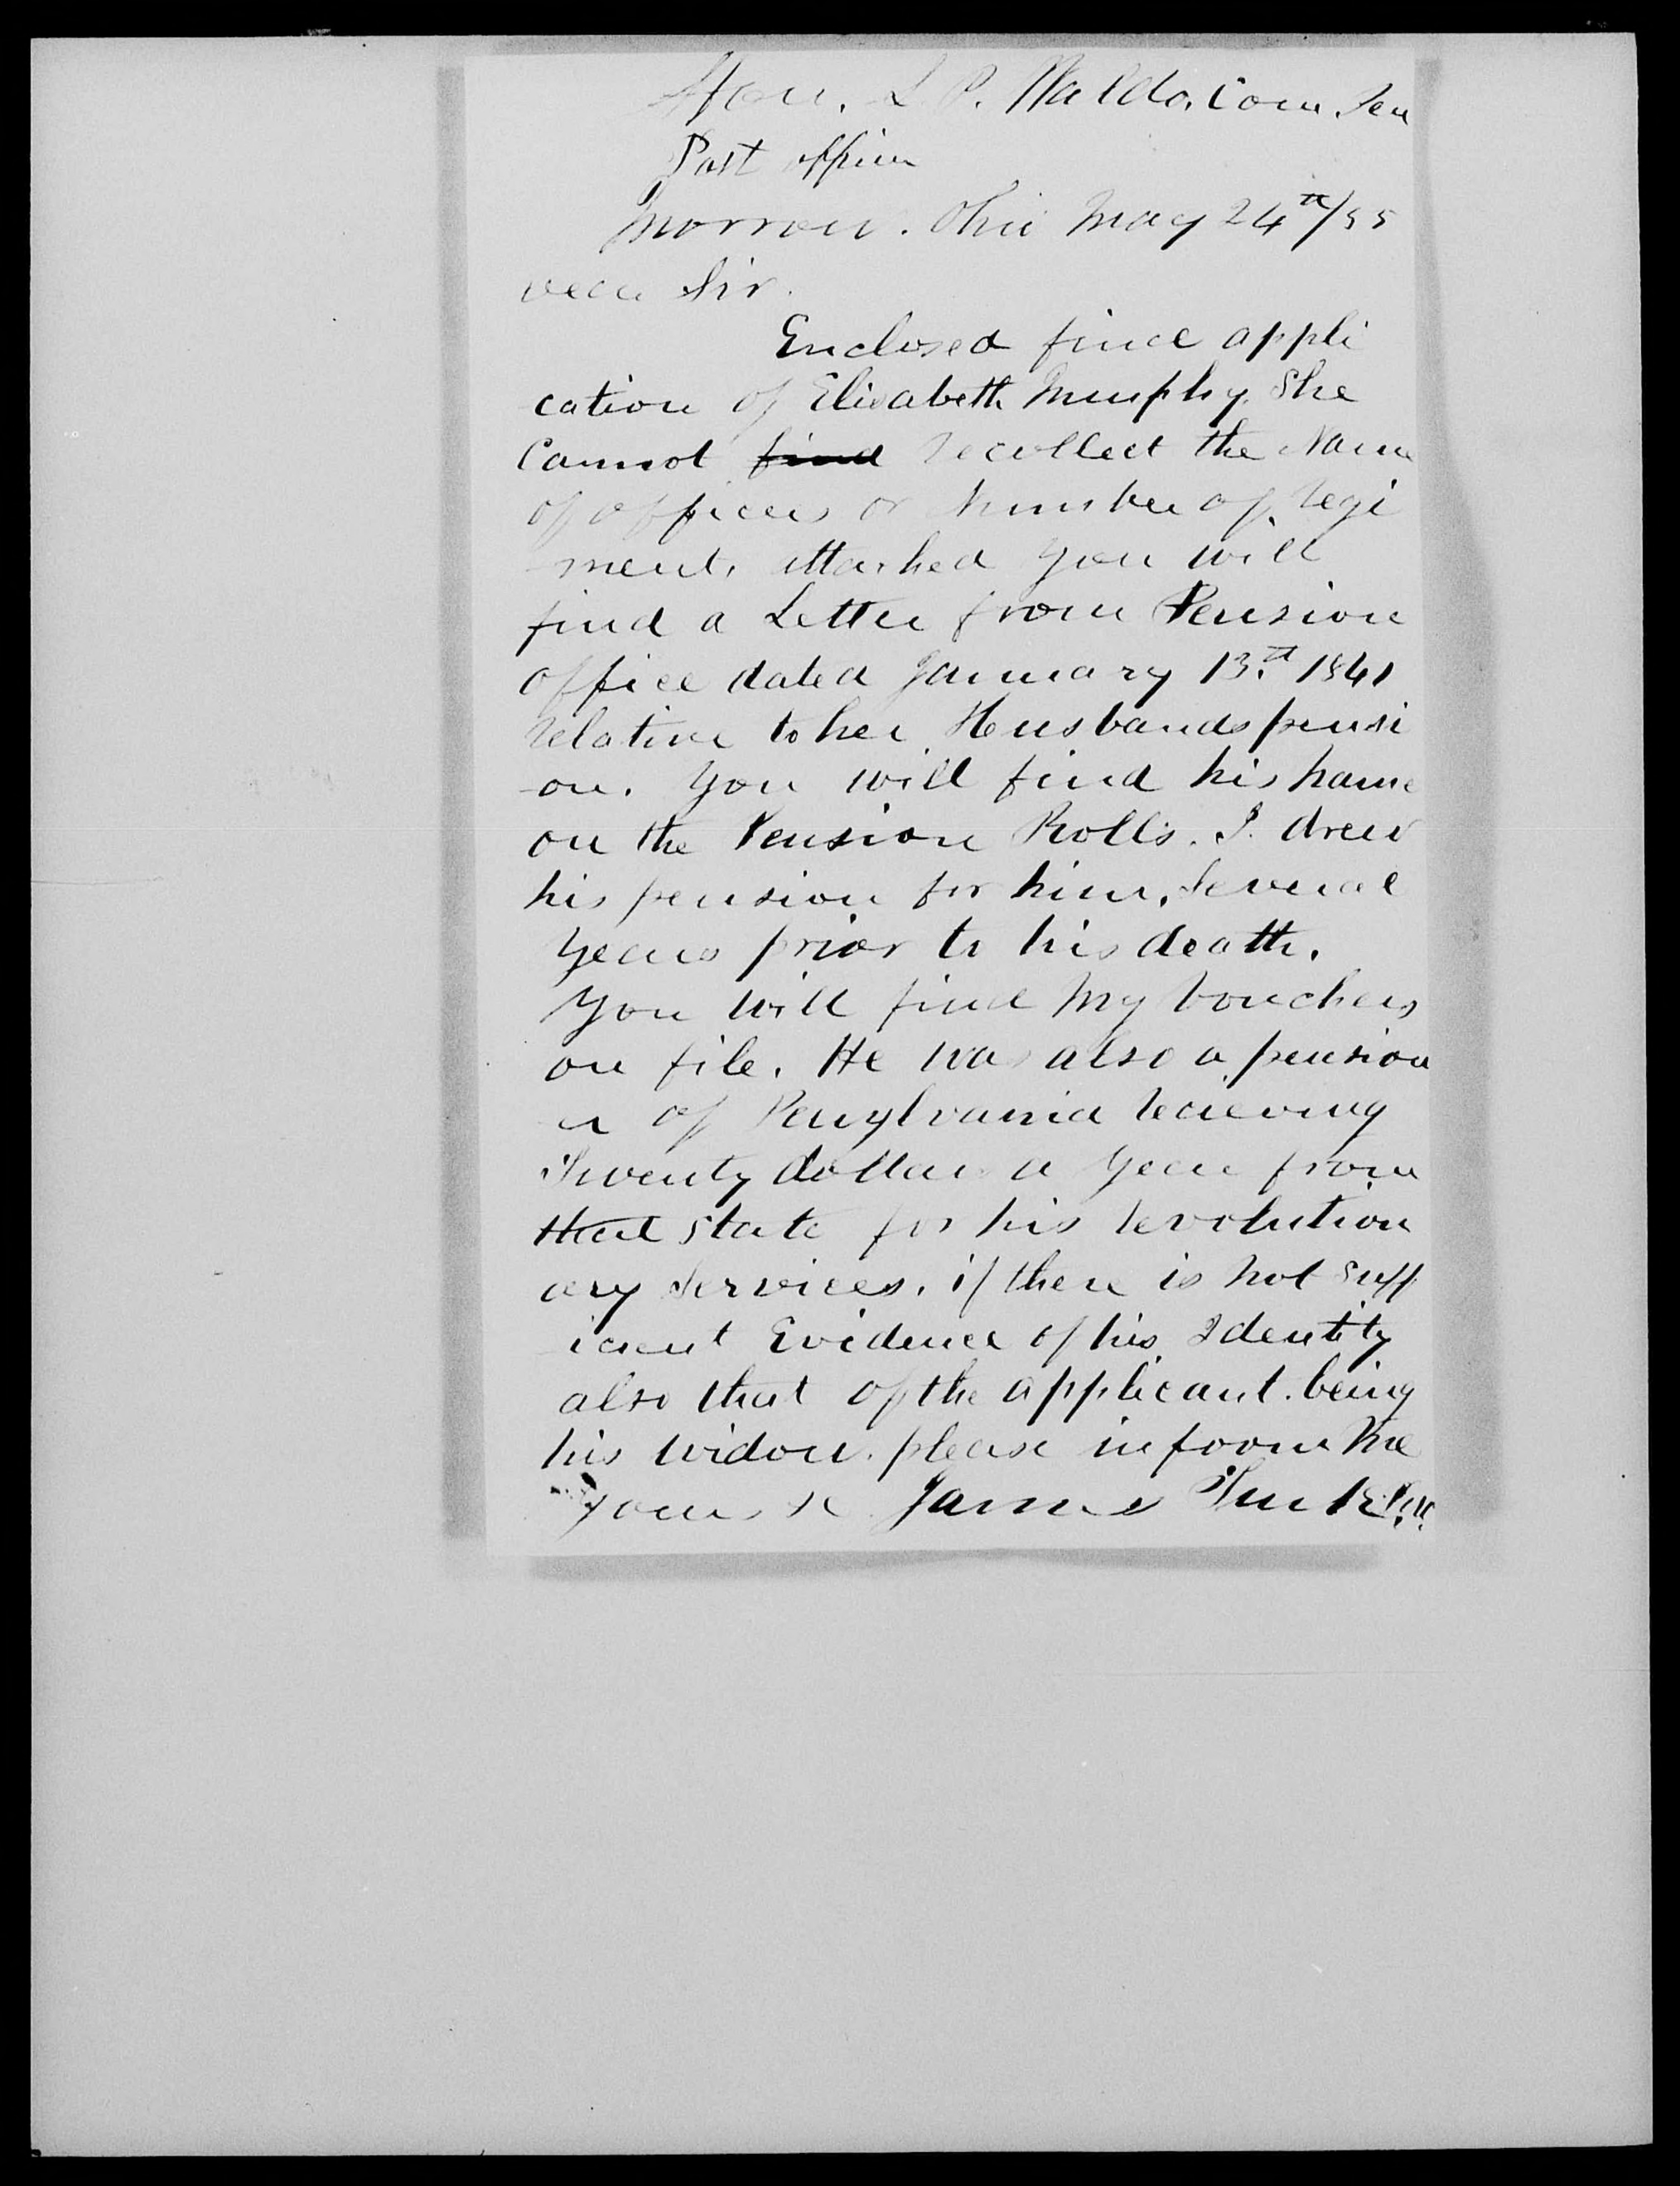Hon L. P. Waldo,  Com Pen

Post officer
Morrow, Ohio May 24th /55

Dear Sir,
Enclosed find application
of Elizabeth Murphy.  She
cannot find recollect the Name of
officers or number of regiment, 
attached you will
find a Letter from Pension
office dated January 13th 1841
relative to her Husbands pension.
You will find his name
on the Pension Rolls. I drew
his pension for him,  Several
years prior to his death.
You will find my vouchers
on file. He was also a pensioner
of Pennsylvania receiving
Twenty dollars a year from
that state for his revolution
war services, if there is not sufficient 
evidence of his Identity
also that of the applicant being
his widow please inform me
Yours [  ]  James Turk Esqr  /s/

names: James Turk; Elisabeth Murphy; L P Waldo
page: 37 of 57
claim: widow's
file: W. 25,739, for James Murphey, Pennsylvania